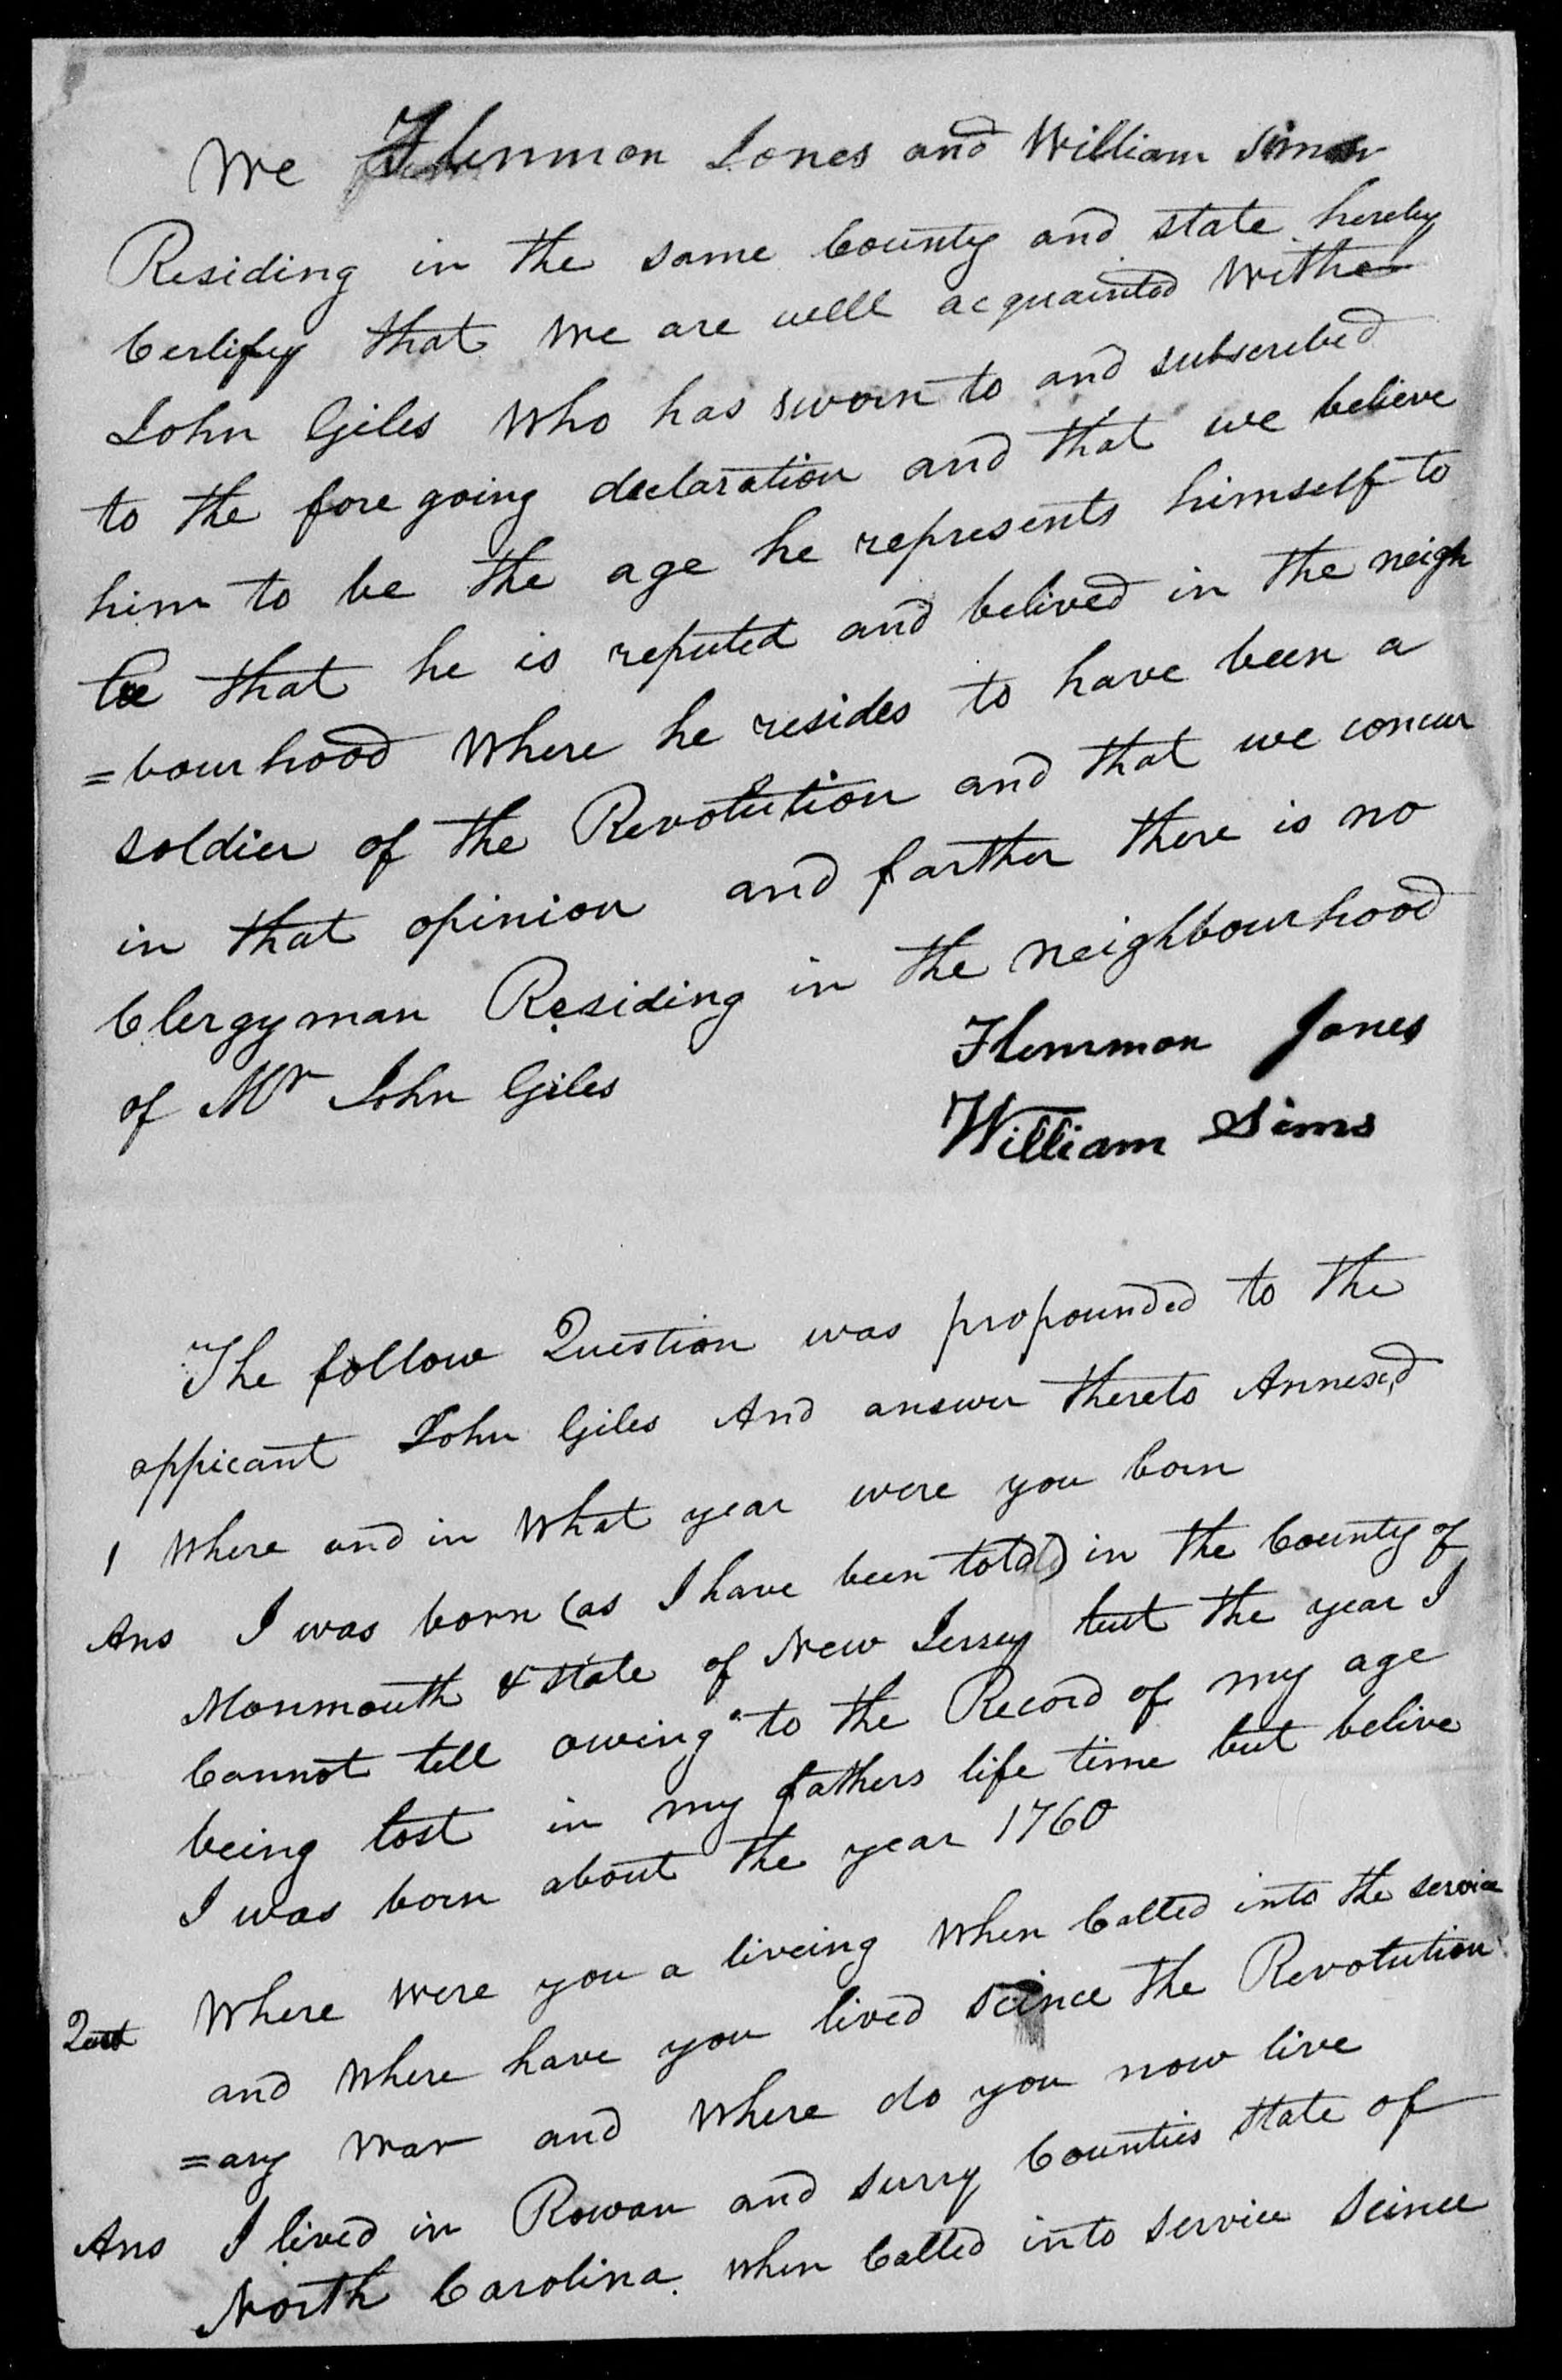We Flemmon Jones and William Sims residing in the same county and state hereby certify that we are well acquainted with John Giles who has sworn to and subscribed to the fore going declaration and that we believe him to be the age he represents himself to be that he is reputed and belived in the neighbourhood where he resides to have been a soldier of the Revolution and that we concur in that opinion and farther there is no clergyman residing in the neighbourhood of Mr John Giles
Flemmon Jones
William Sims

The follow question was propounded to the applicant John Giles and answer thereto annexed
1 Where and what year were you born
Ans I was born (as I have been told) in the County of Monmouth & state of New Jersey but the year I cannot tell owing to the record of my age being lost in my fathers life time but belive I was born about the year 1760
2th Where were you liveing when called into the service and where have you lived scince the Revolutionary War and where do you now live
Ans I lived in Rowan and Surry Counties state of North Carolina when called into service since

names: William Sims, Flemmon Jones, William Sims, Flenmon Jones, John Giles, John Giles, John Giles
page: 8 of 82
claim: widow's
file: W. 7,522, John Giles, N.C.